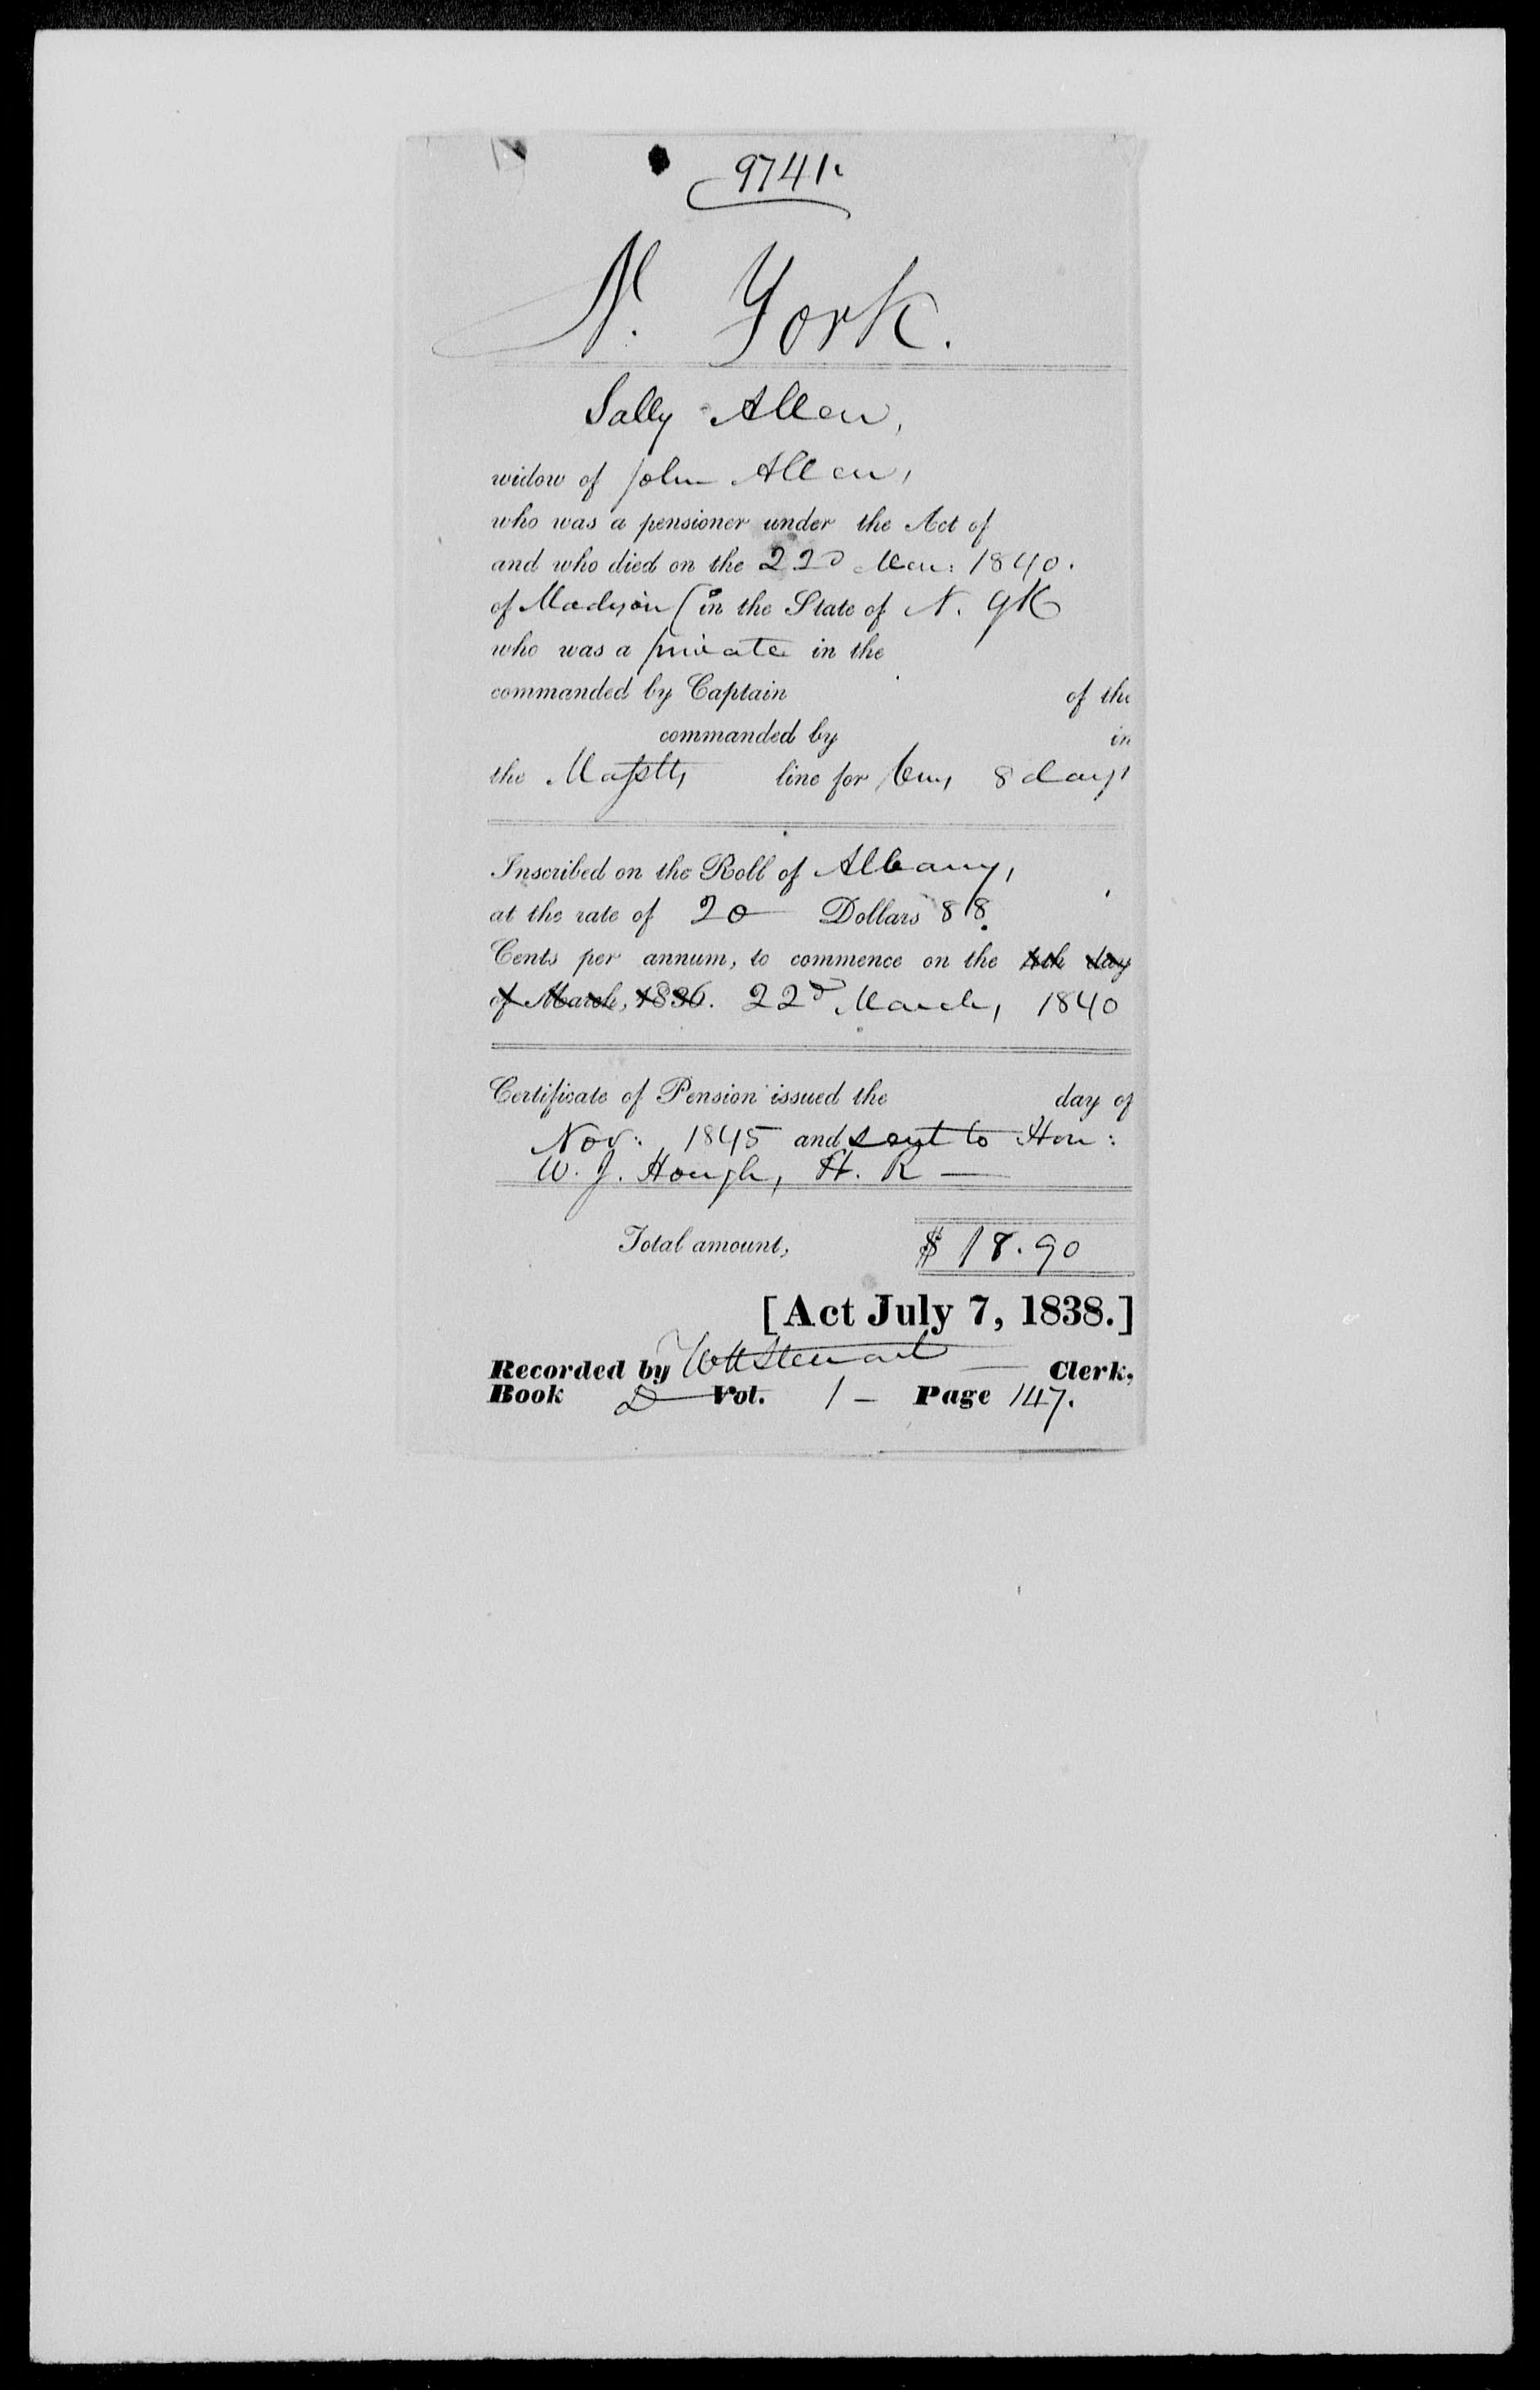9741
N. York.
Sally Allen
widow of John Allen,
who was a pensioner under the Act of
and who died on the 22d Mar 1840.
of Madison (in the State of N. Yk
who was a private in the
commanded by Captain of the
commanded by in
the Mass line for 6mo 8 days
Inscribed on the Roll of Albany,
at the rate of 20 Dollars 88
Cents per annum, to commence 22d March, 1840
Certificate of Pension issued the
Nov. 1845 and sent to Hon.
W. J. Hough, H.R.
Total amount, $18.90
[Act July 7, 1838.]
Recorded by W.A. Stewart Clerk,
Book D Vol. 1 - Page 147.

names: Sally Allen, W A Stewart, W J Hough, John Allen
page: 34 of 74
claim: widow's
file: W. 23424, John Allen, Mass. R. I.